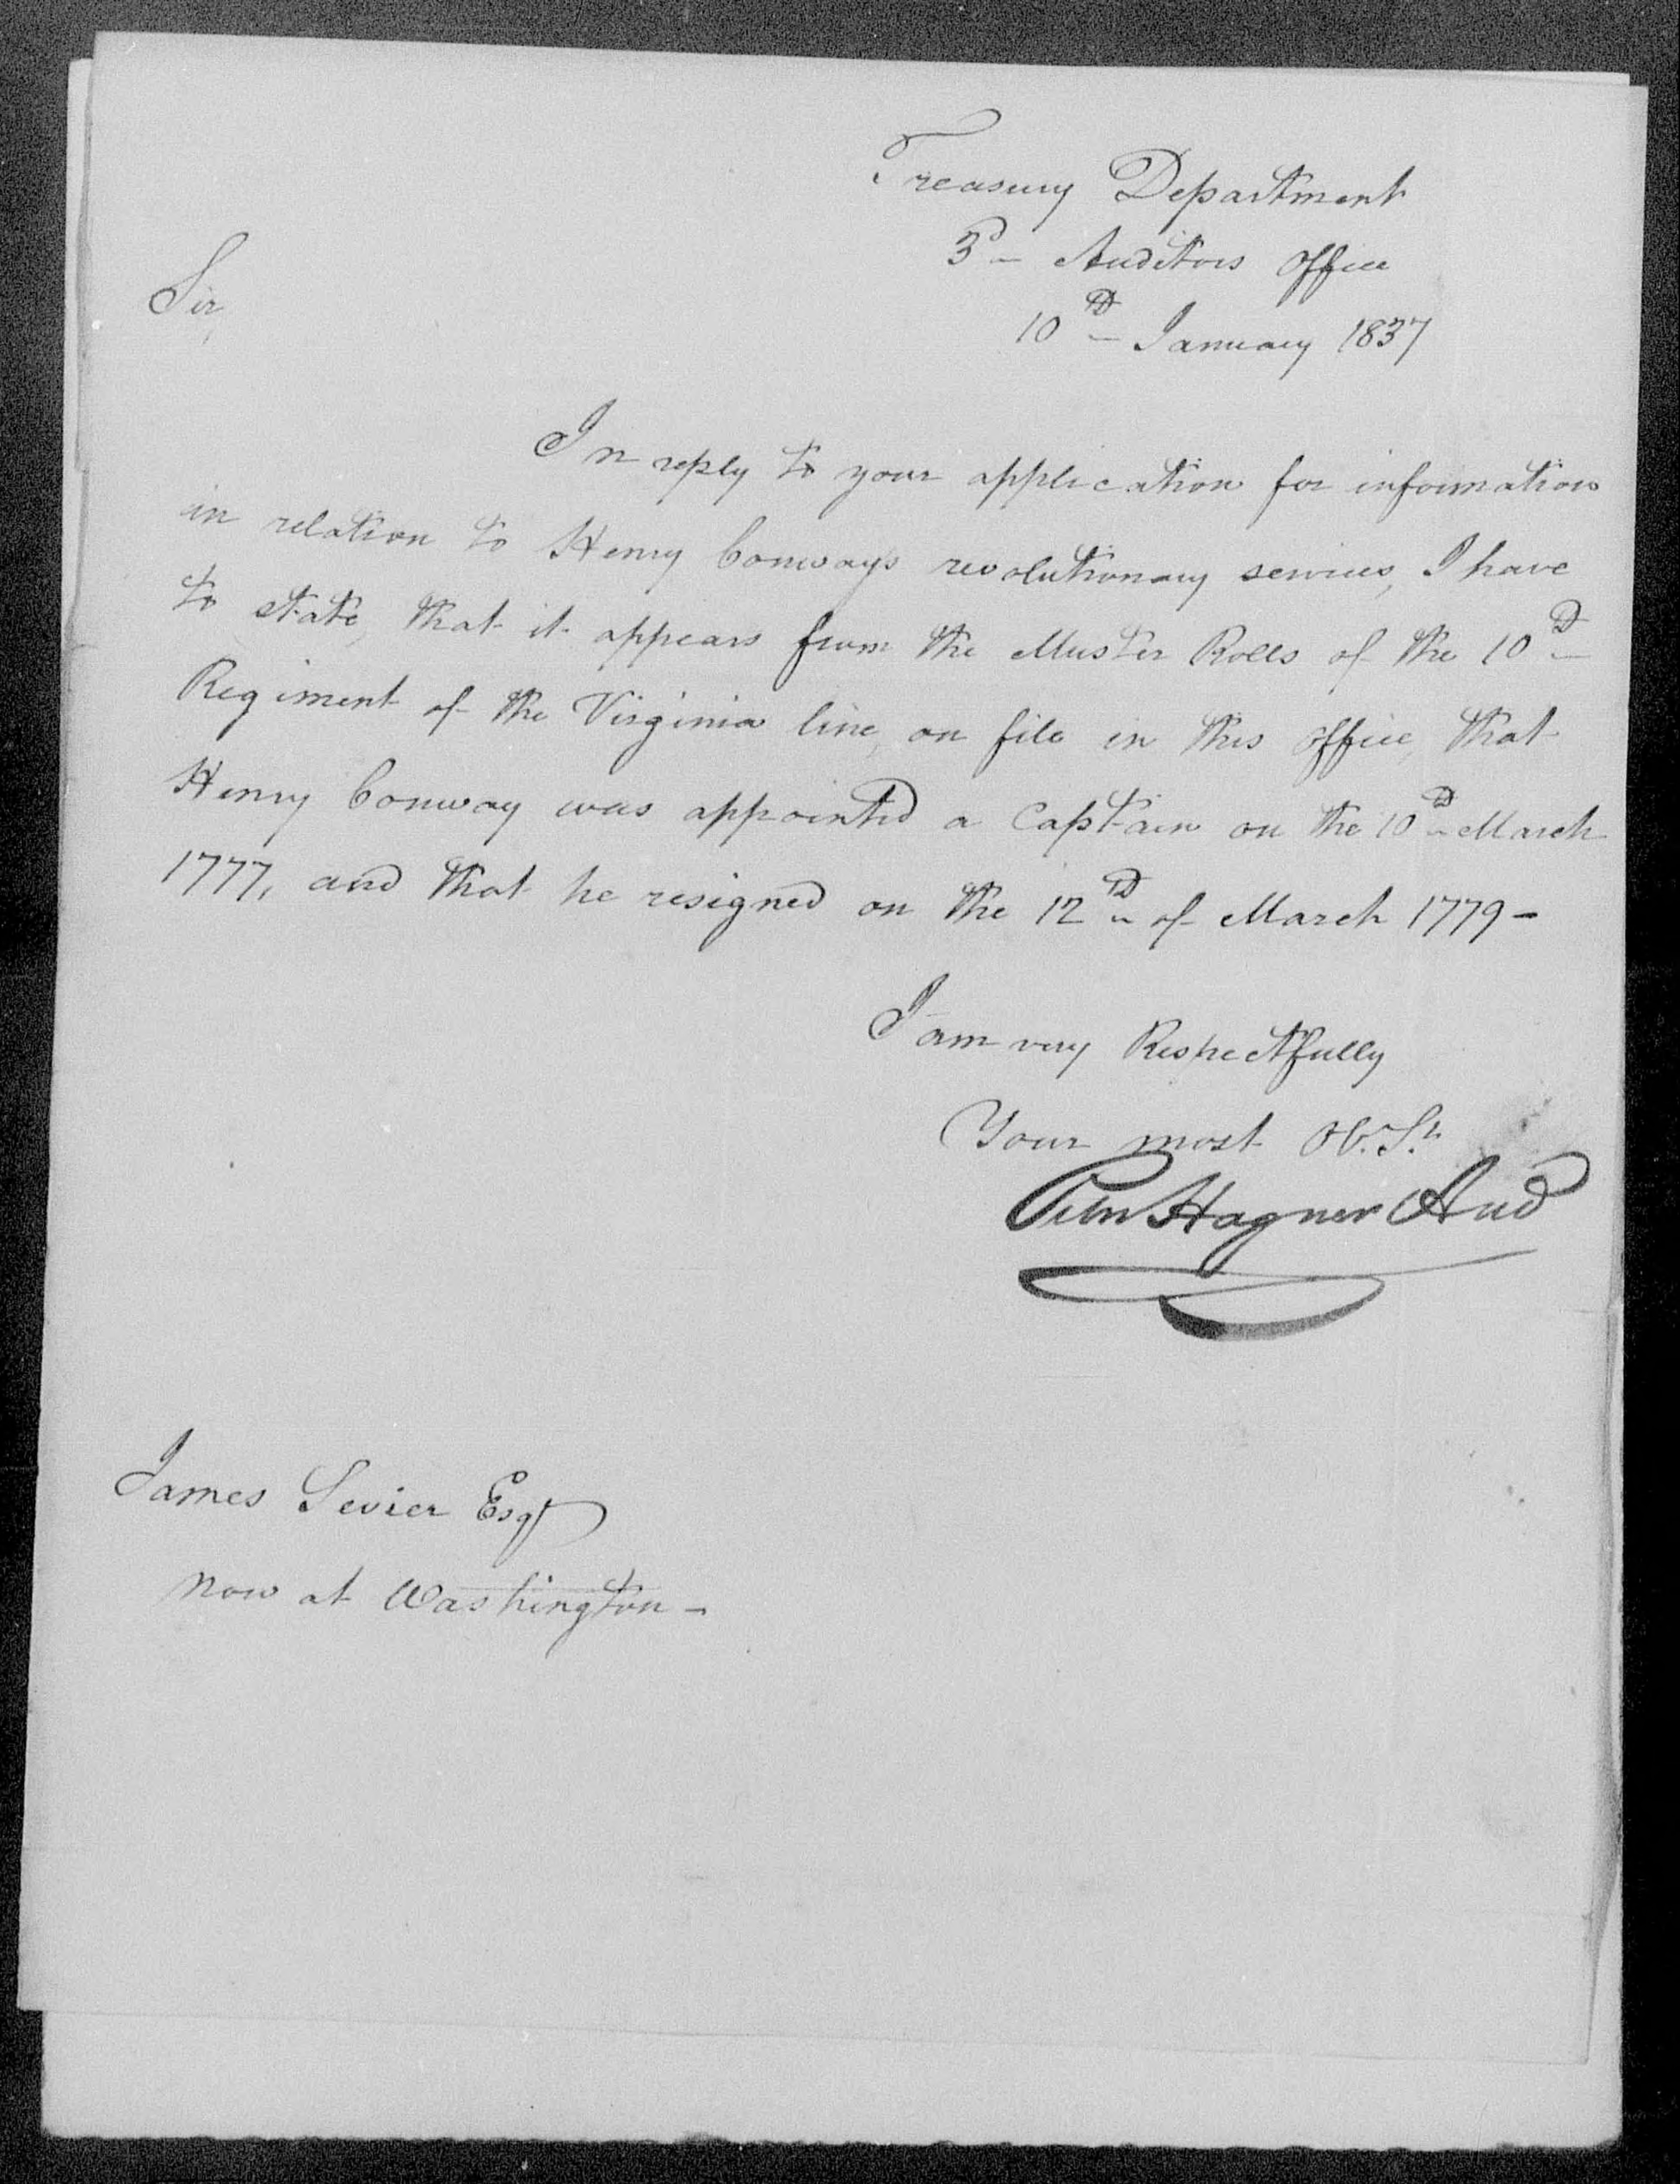Treasury Department
3rd Auditor's Office
10th January 1837


Sir:

In reply to your application for information in relation to Henry Conway revolutionary service, I have to state that it appears from the Muster Rolls of the 10th Regiment of the Virginia line on file in this office that Henry Conway was appointed a Captain on the 10th March 1777, and that he resigned on the 12th of March 1779.

I am very Respectfully,

Your most H.L.

Peter Hagner Auditor



James Sevier Esq.
now at Washington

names: Henry Conway, Peter Hagner, Henry Conway, James Sevier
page: 10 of 13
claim: widow's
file: W. 6,719, Henry Conway, Va.